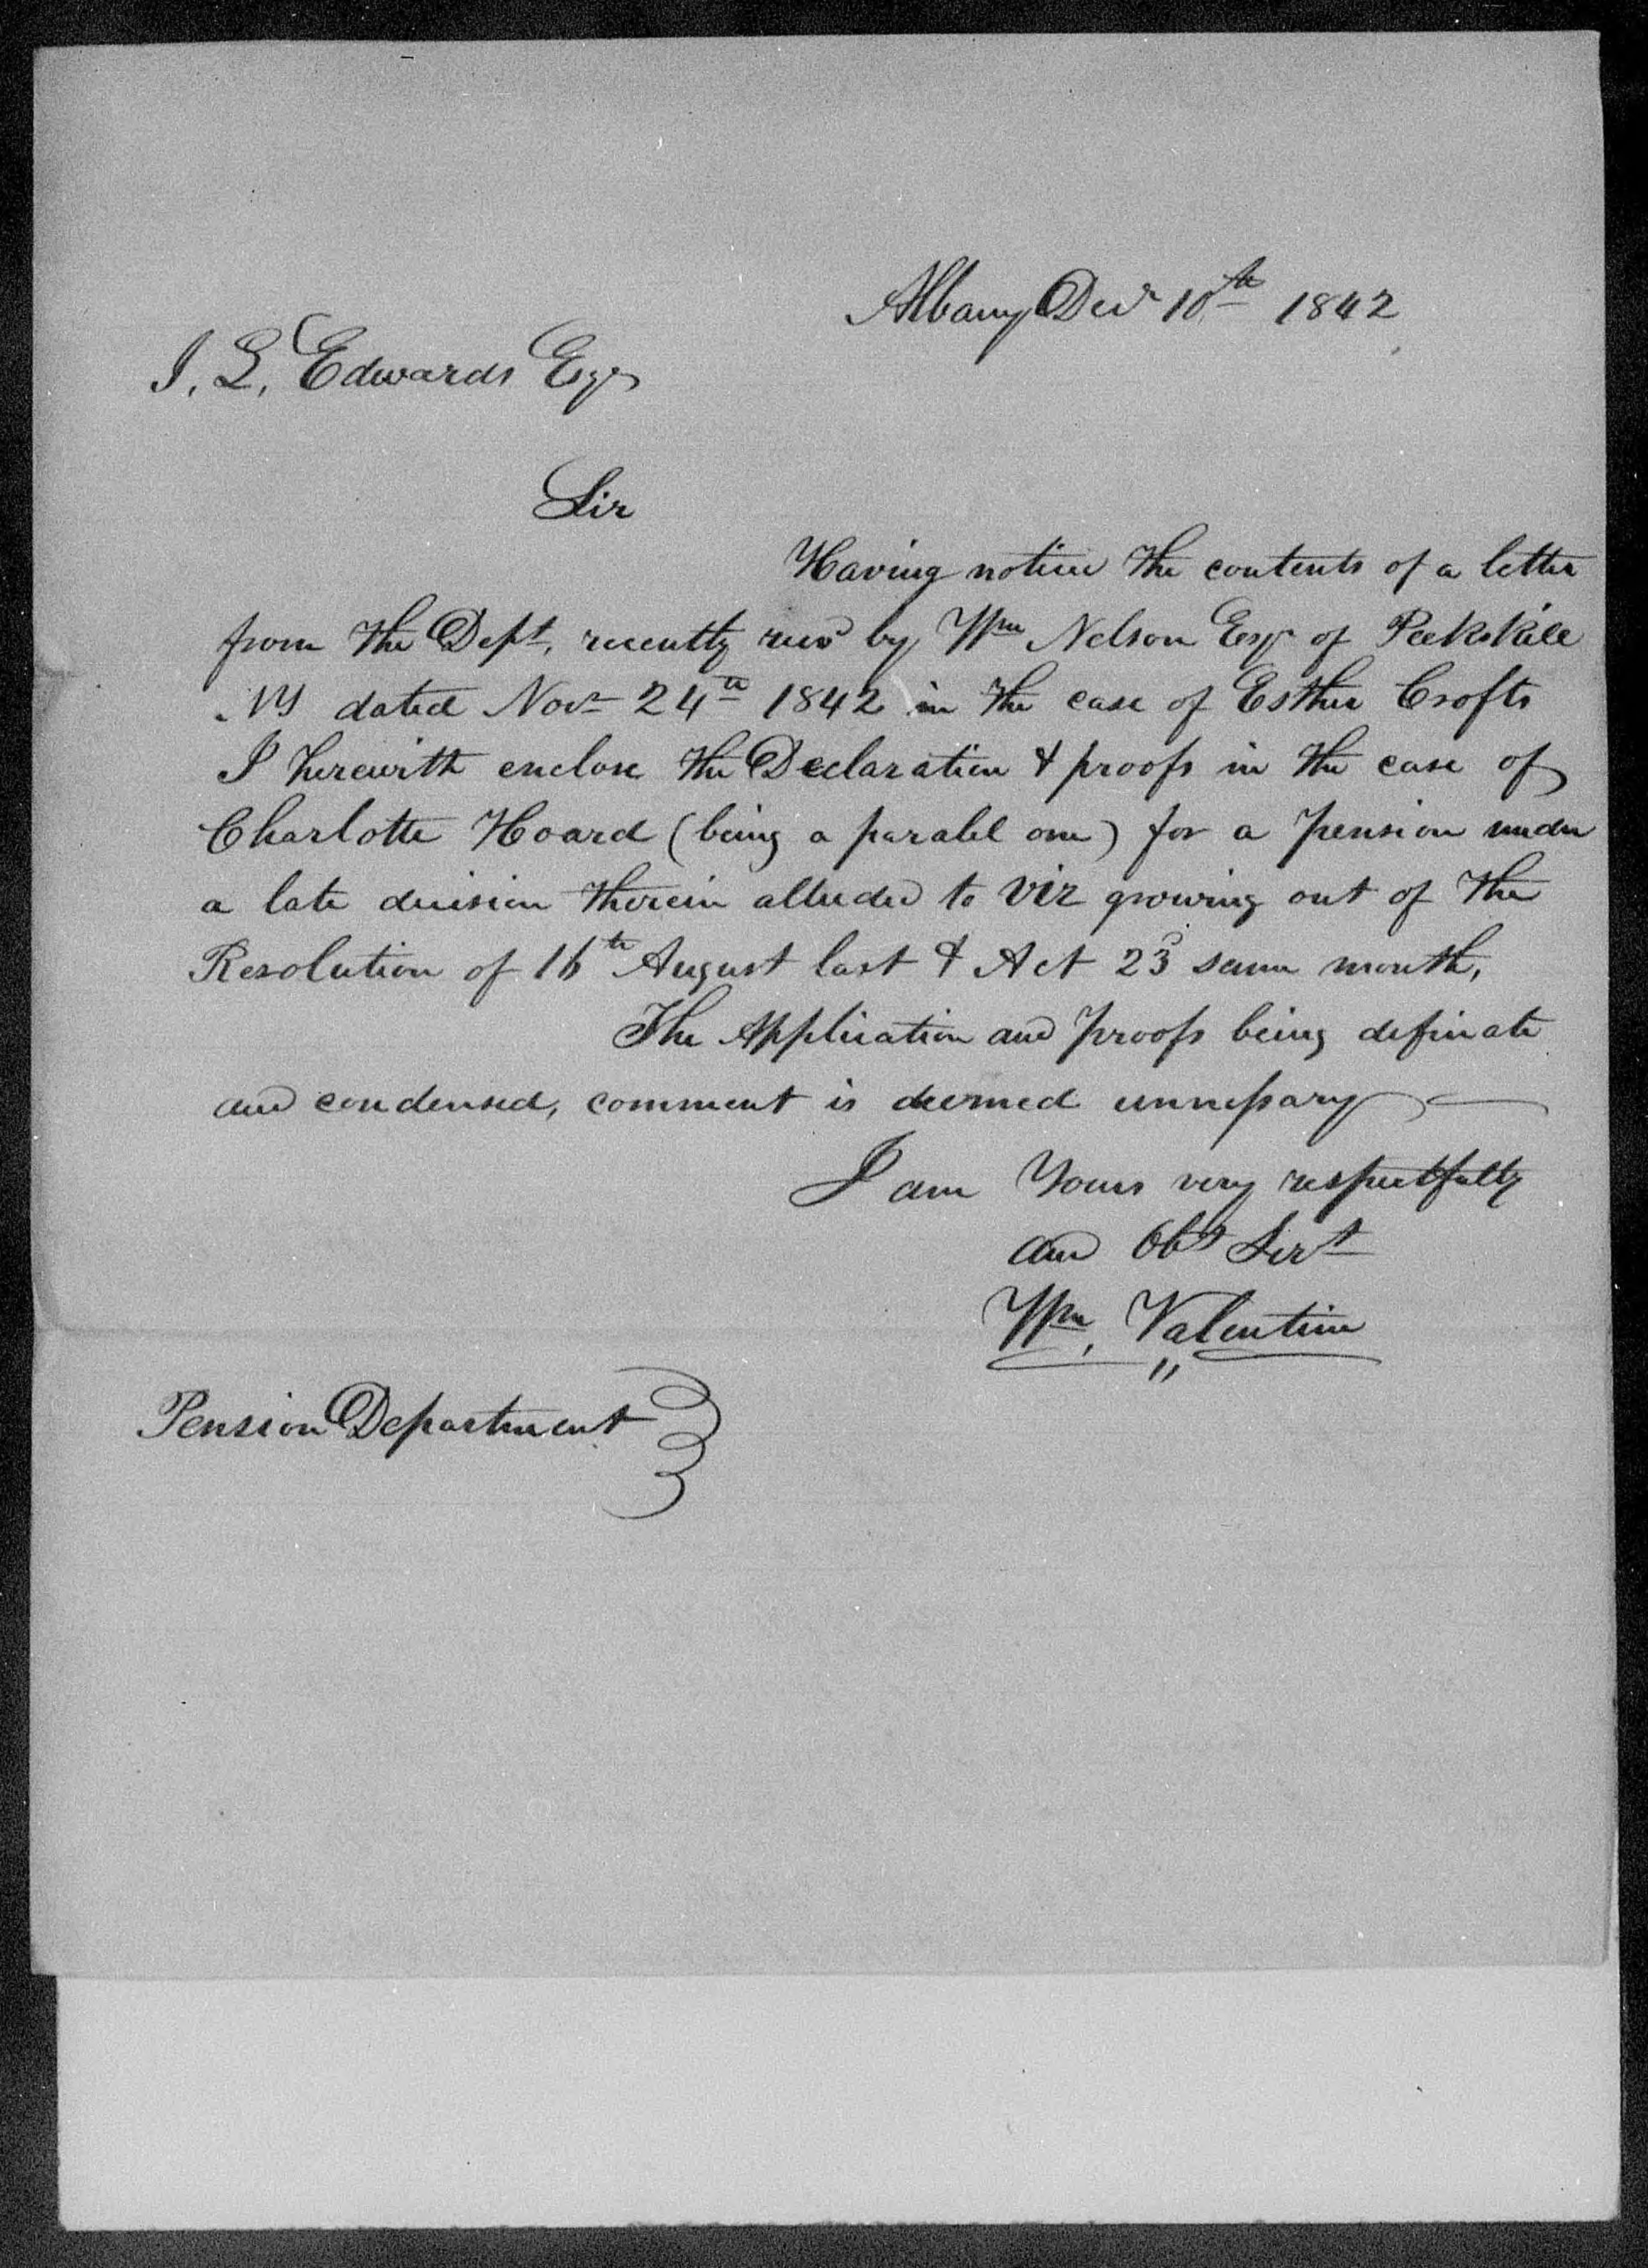Albany Decr 10th 1842
J.L. Edwards Esq

Sir
Having noticed the contents of a letter from the Dept recently recd by Wm Nelson Esq of Peekskill  NY dated Novr 24th 1842 in the case of Esther Crofts I herewith enclose the Declaration & proofs in the case of Charlotte Hoard (being a paralel [parallel] one) for a pension under a late decision therein alluded to viz growing out of the Revolution of 16th August last & Act 23d same month, 

The Application and proof being definate and condensed, comment is deemed unnecessary-
I am Yours very respectfully
an Obt Srt
Wm Valentine (signature)


Pension Department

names: Wm Nelson, J L Edwards, Wm Valentine, Charlotte Hoard, Esther Crofts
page: 30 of 52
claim: widow's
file: W 19755, Jonathan Hoard, Mass.